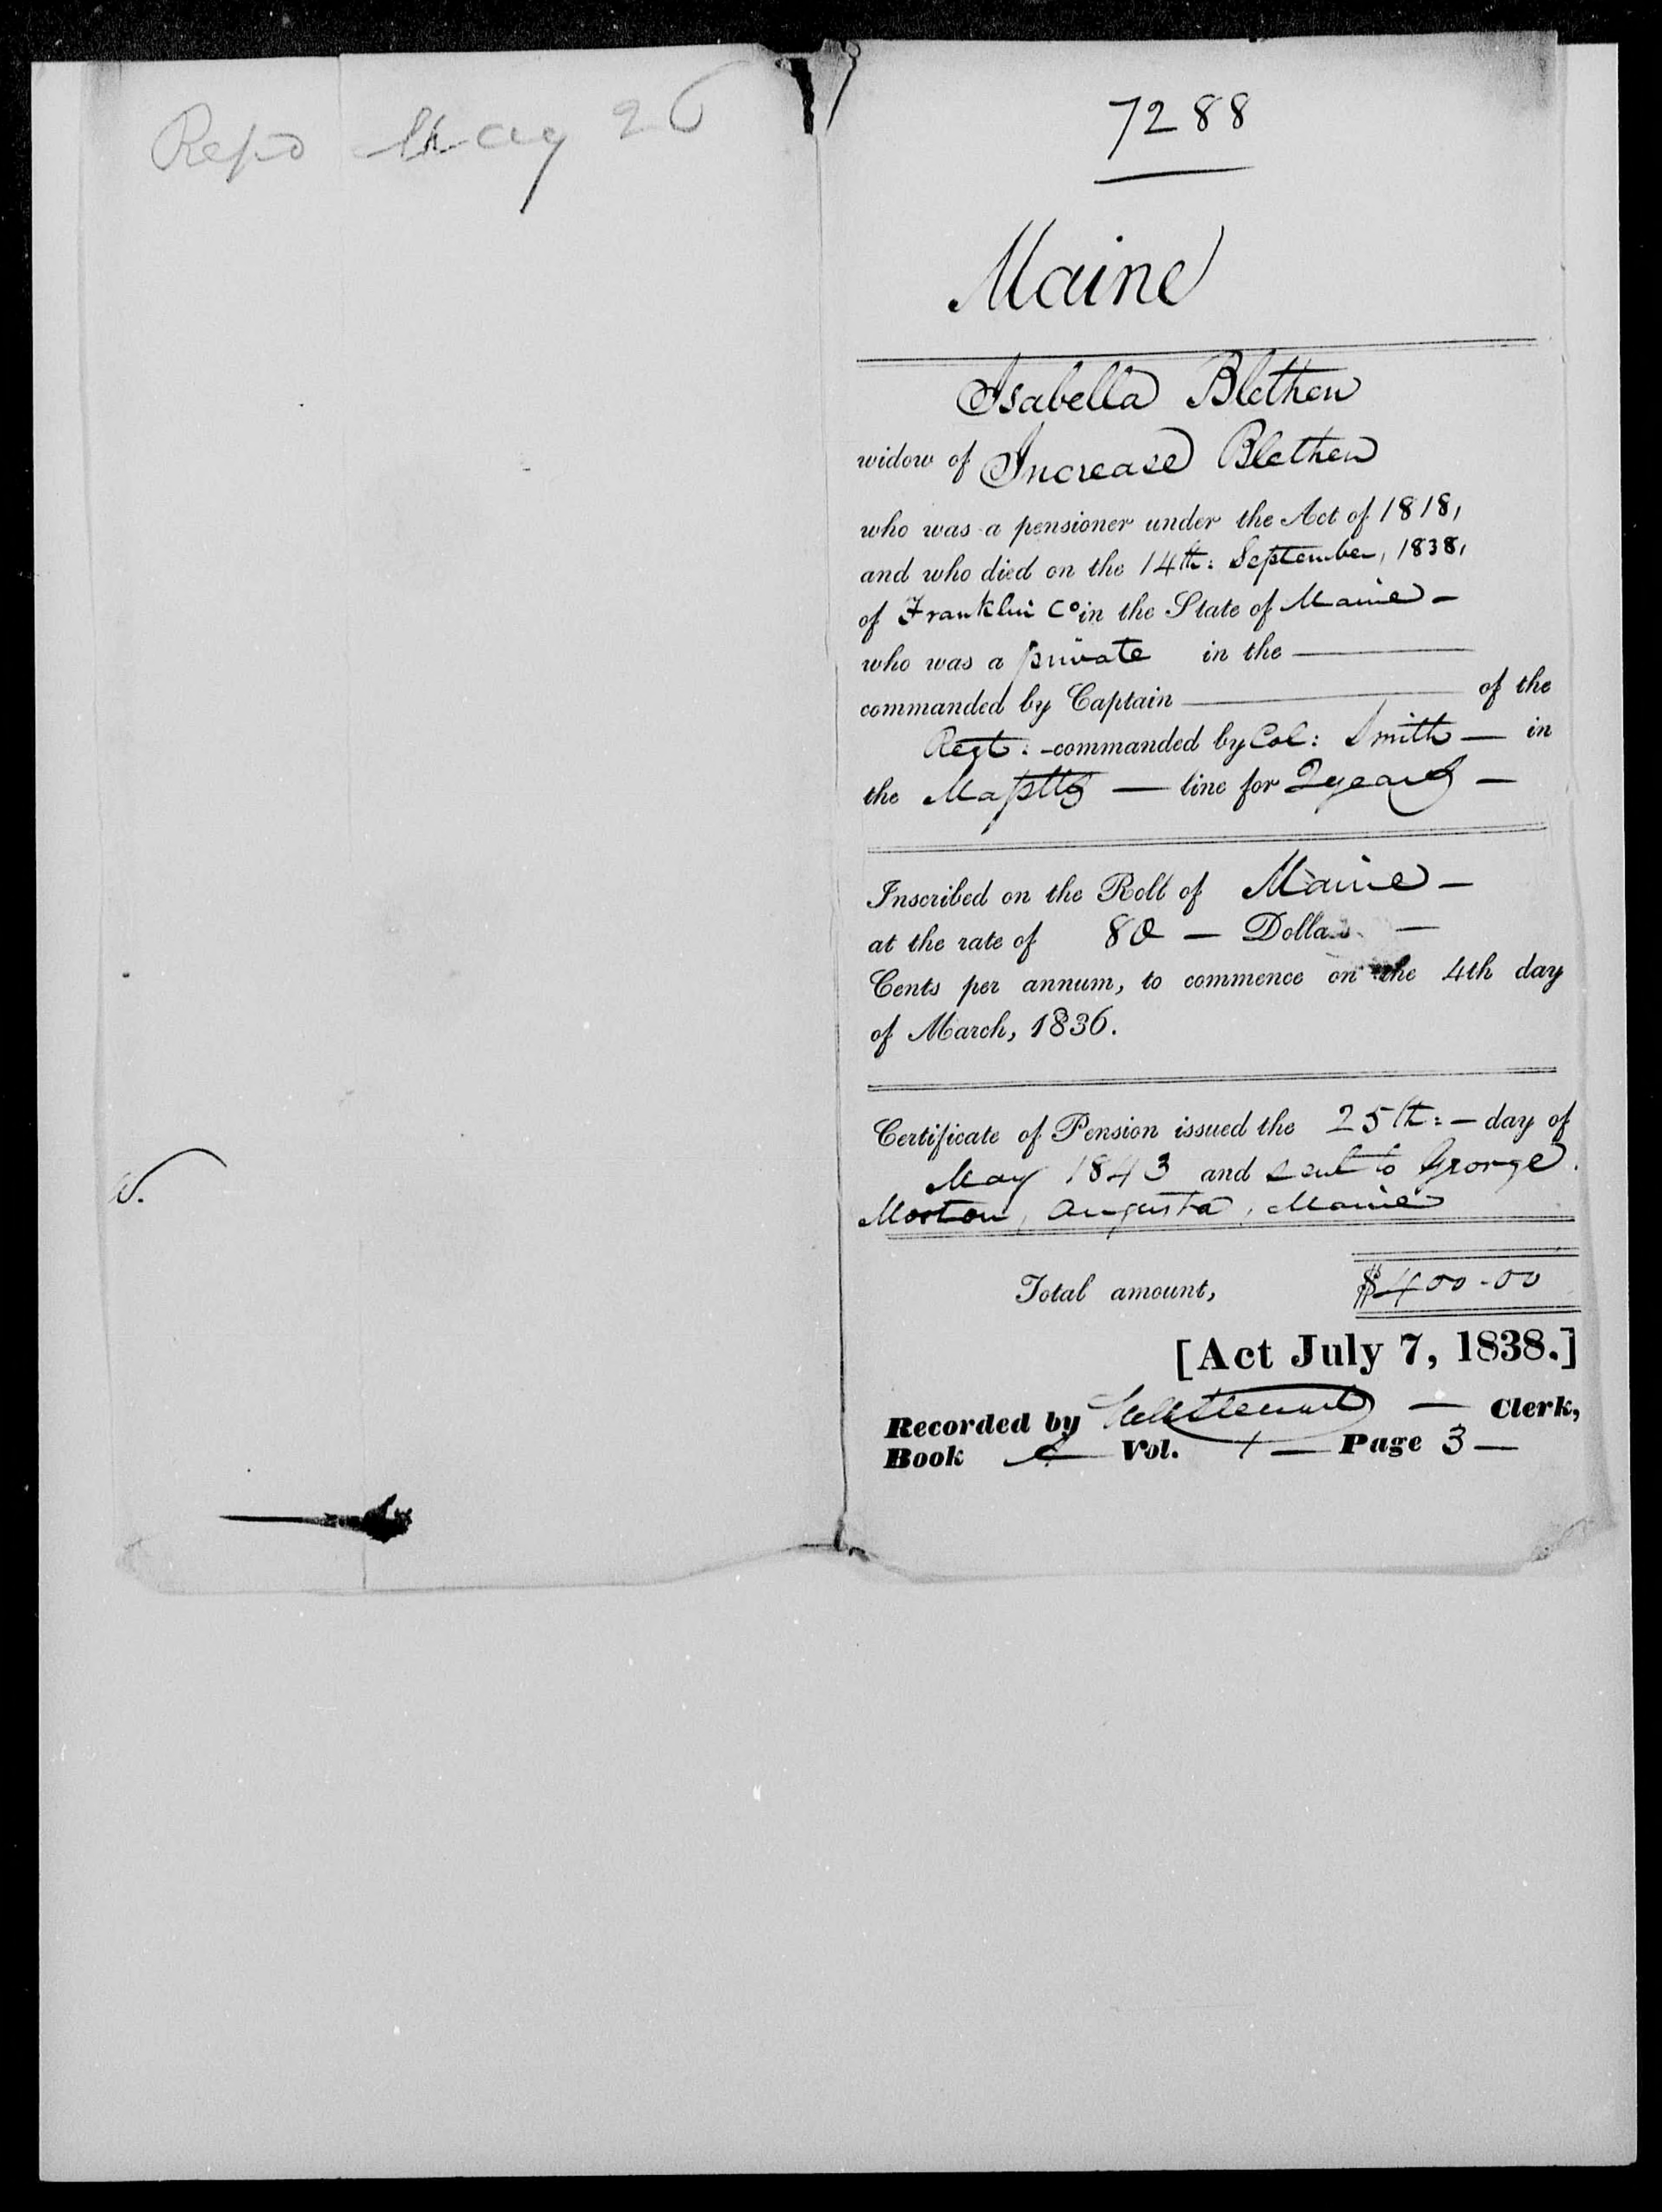Refd May 26

7288
Maine
Isabella Blethen
widow of Increase Blethen
who was a pensioner under the Act of 1818,
and who died on the 14th September, 1838,
of Franklin Co in the State of Maine
who was a private in the _________
commanded by Captain ________of the 
Regt commanded by Col. Smith ___in
the Masstts ___ line for [illegible]

Inscribed on the Roll of Maine
at the rate of 80 __ Dollars __
Cents per annum, to commence in the 4th day
of March, 1836.

Certificate of Pension issued the 25th -- day of
May 1843 and sent to George
Mortan, Augusta, Maine

Total amount,   $400.00
{Act July 7, 1838.]
Recorded by Call Stewart --- Clerk,
Book A Vol. 1  Page 3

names: George Morton, Isabella Blethen, Increase Blethen, Call Stewart, Smith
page: 21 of 39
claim: widow's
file: W. 23,621, Increase Blethen, Mass.